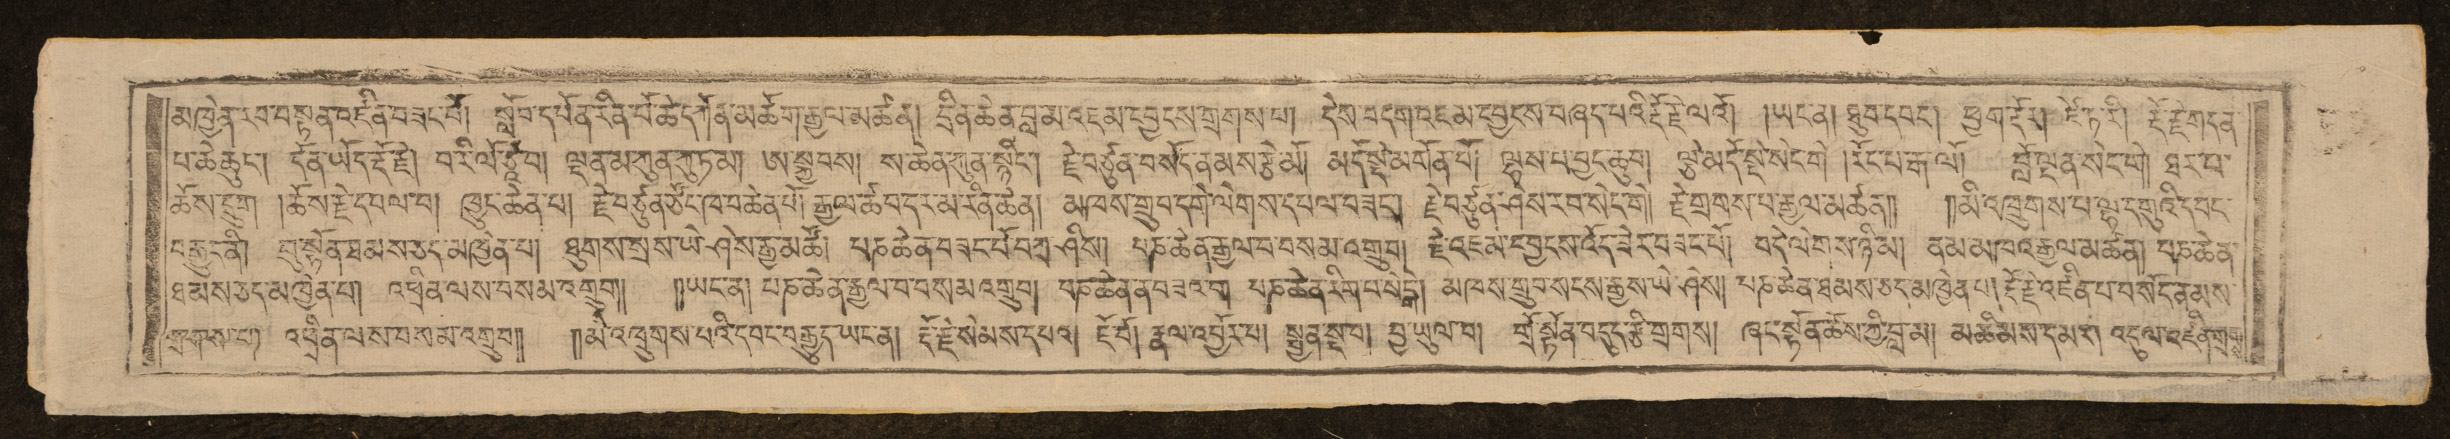མཁྱེན་རབ་བསྟན་འཛིན་བཟང་པོ། སློབ་དཔོན་རིན་པོ་ཆེ་དཀོན་མཆོག་རྒྱལ་མཚན། དྲིན་ཆེན་བླ་མ་འཇམ་དབྱངས་གྲགས་པ། དེས་བདག་འཇམ་དབྱངས་བཞད་པའི་རྡོ་རྗེ་ལའོ། །ཡང་ན། ཐུབ་དབང་། ཕྱག་རྡོར། ཛེ་ཏ་རི། རྡོ་རྗེ་གདན་
པ་ཆེ་ཆུང་། དོན་ཡོད་རྡོ་རྗེ། བ་རི་ལོ་ཙཱ་བ། ལྡན་མ་ཀུན་ཀུ་ཏ་མ། ཨ་སྐྱབས། ས་ཆེན་ཀུན་སྙིང་། རྗེ་བཙུན་བསོད་ནམས་རྩེ་མོ། མདོ་སྡེ་མགོན་པོ། ལྷས་པ་བྱང་ཆུབ། ལྕེ་མདོ་སྡེ་སེང་གེ། །རོང་པ་རྒ་ལོ། བློ་ལྡན་སེང་གེ། ཐར་པ་
ཆོས་དྲུག། །ཆོས་རྗེ་དཔལ་བ། ཁྱུང་ཆེན་པ། རྗེ་བཙུན་ཙོང་ཁ་པ་ཆེན་པོ། རྒྱལ་ཚབ་དར་མ་རིན་ཆེན། མཁས་གྲུབ་དགེ་ལེགས་དཔལ་བཟང་། རྗེ་བཙུན་ཤེས་རབ་སེང་གེ། རྗེ་གྲགས་པ་རྒྱལ་མཚན།། །།མི་འཁྲུགས་པ་ལྷ་དགུའི་དབང་
བརྒྱུད་ནི། བུ་སྟོན་ཐམས་ཅད་མཁྱེན་པ། ཐུགས་སྲས་ཡེ་ཤེས་རྒྱ་མཚོ། པཎ་ཆེན་བཟང་པོ་བཀྲ་ཤིས། པཎ་ཆེན་རྒྱལ་བ་བསམ་འགྲུབ། རྗེ་འཇམ་དབྱངས་འོད་ཟེར་བཟང་པོ། བདེ་ལེགས་ཉི་མ། ནམ་མཁའ་རྒྱལ་མཚན། པཎ་ཆེན་
ཐམས་ཅད་མ་བྱིན་པ། འཕྲིན་ལས་བསམ་འགྲུབ།། །།ཡང་ན། པཎ་ཆེན་རྒྱལ་བ་བསམ་འགྲུབ། པཎ་ཆེན་ན་བཟའ་བ། པཎ་ཆེན་རིག་པ་སེངྒེ། མཁས་གྲུབ་སངས་རྒྱས་ཡེ་ཤེས། པཎ་ཆེན་ཐམས་ཅད་མཁྱེན་པ། རྡོ་རྗེ་འཛིན་པ་བསོད་ནམས་
གྲགས་པ། འཕྲིན་ལས་བསམ་འགྲུབ།། །།མི་འཁྲུགས་པའི་དབང་བརྒྱུད་ཡང་ན། རྡོ་རྗེ་སེམས་དཔའ། ཇོ་བོ། རྣལ་འབྱོར་པ། སྤྱན་སྔ་བ། བྱ་ཡུལ་བ། གྲོ་སྟོན་བདུད་རྩི་གྲགས། ཞང་སྟོན་ཆོས་ཀྱི་བླ་མ། མཚམས་དམར། འདུ་ལང་འཛིན་གྲགས་